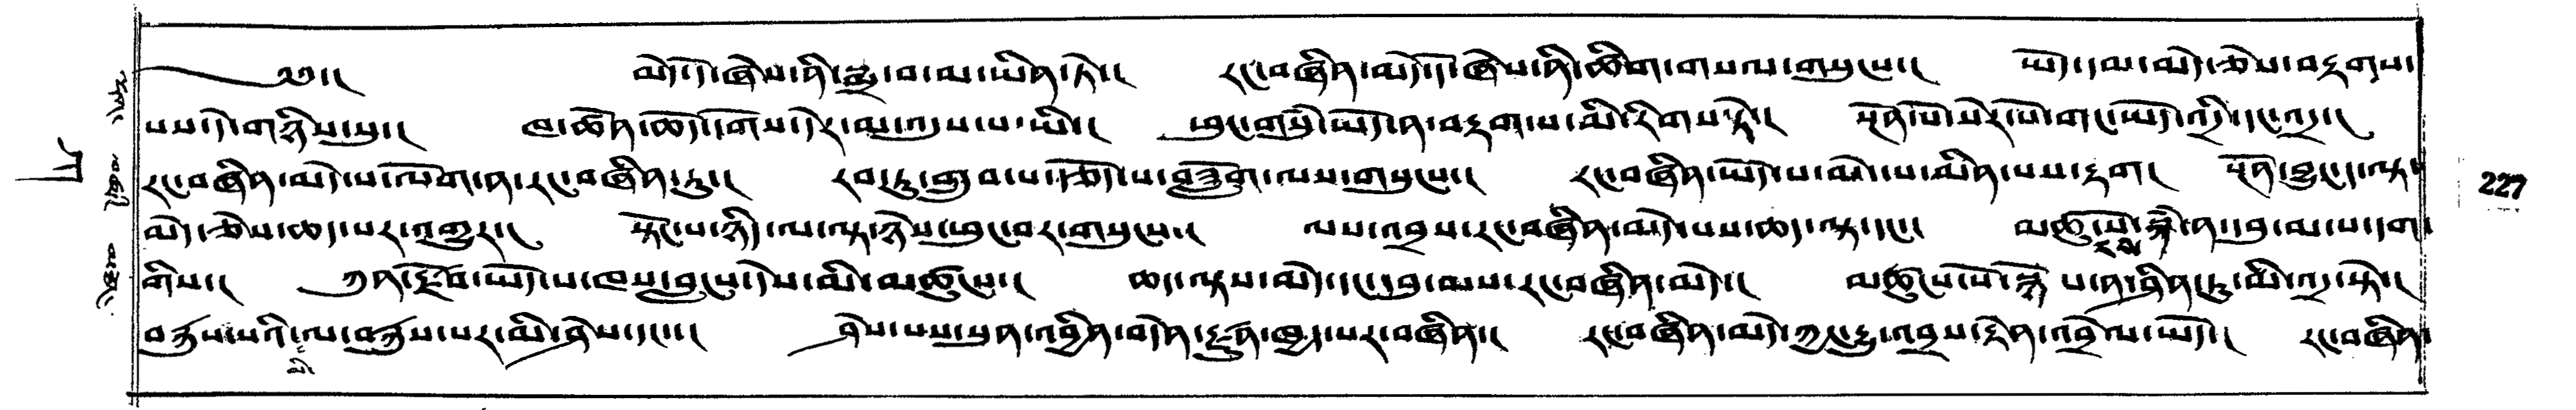མེད་དོ་ཞེས་ནི་སྨྲ་བ་མ་ཡིན་ཏེ། །རང་བཞིན་མེད་དོ་ཞེས་ནི་ཚིག་གསལ་གསུངས། །ཡོད་དམ་མེད་ཅེས་བརྟགས་
པས་དེ་གཉིས་སུ། ཁ་ཚོན་ཆོད་དགོས་དེར་མ་འདུས་པ་ཡི། །ཕུང་གསུམ་ཡོད་ན་བརྟག་པ་མི་རིགས་ཏེ། །སྔོན་པོ་སེར་པོ་གང་ཡོད་འདི་དང་འདྲ། །
རང་བཞིན་མེད་པ་ལོག་ན་རང་བཞིན་དུ། །རབ་ཏུ་གྲུབ་པ་རྩོད་པ་བཟློག་ལས་གསུངས། །རང་བཞིན་ཡོད་པ་མེད་པ་མིན་པས་རྟག །སྔོན་བྱུང་ད་ལྟ་
མེད་ཅེས་ཆད་པར་འགྱུར། །སྟོང་པ་ཉིད་ལ་ལྟ་ཉེས་ཕུང་བར་གསུངས། །ལས་འབྲས་རང་བཞིན་མེད་པས་ཆད་ལྟ་དང་། །མཚུངས་སོ་སྙམ་ན་དབུ་མ་པ་དག་
གིས། །ཀུན་རྫོབ་ཡོད་པ་ཁས་བླངས་དེས་མི་མཚུངས། །ཆད་ལྟས་མེད་དང་དབུ་མས་རང་བཞིན་མེད། །མཚུངས་སོ་སྙམ་ན་ཤིན་ཏུ་མི་འདྲ་སྟེ། །
བརྐུས་པའི་མི་ལ་བརྐུས་པར་མི་ཤེས་དང་། །ཤེས་པས་སུན་འབྱིན་བདེན་རྫུན་ཁྱད་པར་བཞིན། །རང་བཞིན་མེད་ཀྱང་རྒྱུ་འབྲས་རྟེན་འབྲེལ་ཡོད། །རང་བཞིན་